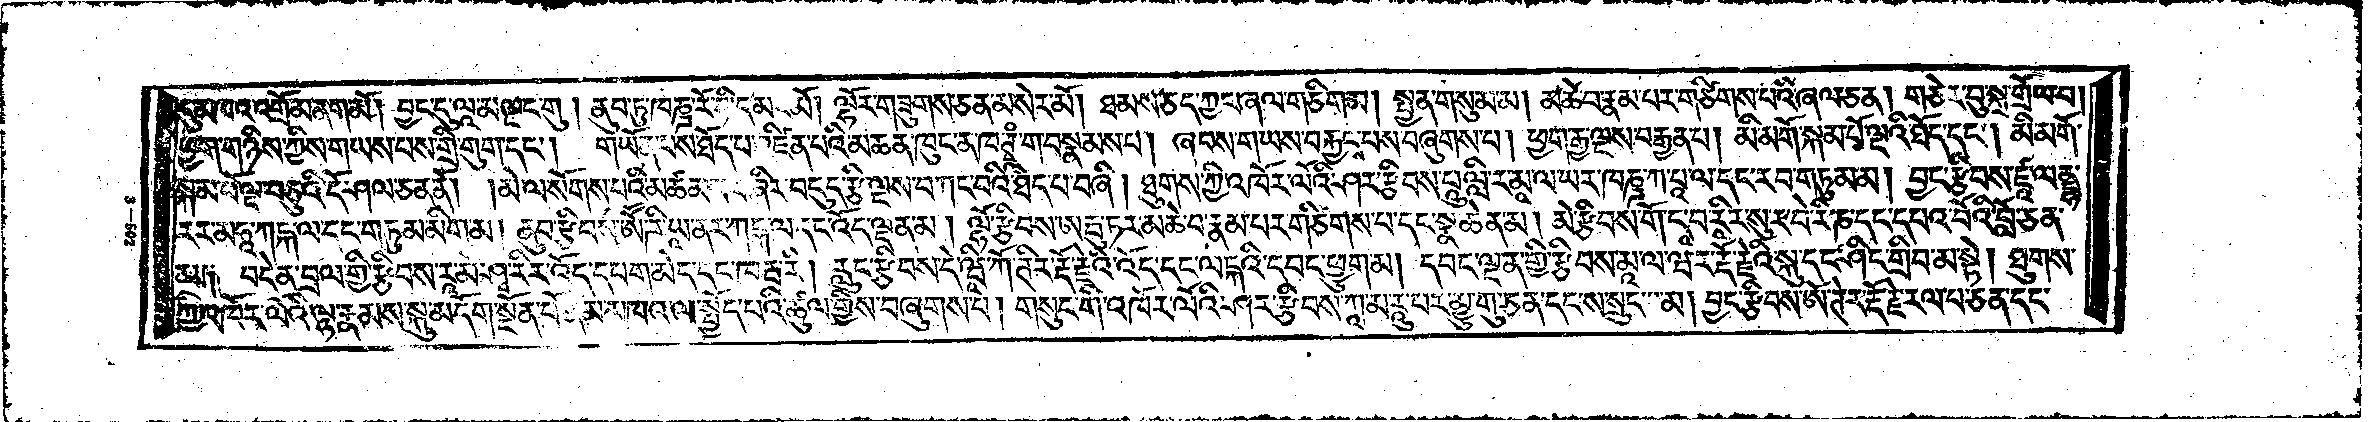དུ་མཁའ་འགྲོ་མ་ནག་མོ། བྱང་དུ་ལཱ་མ་ལྗང་གུ། ནུབ་ཏུ་ཁཎྜ་རོ་ཇི་དམང་མོ། ལྷོར་གཟུགས་ཅན་མ་སེར་མོ། ཐམས་ཅད་ཀྱང་ཞལ་གཅིག་མ། སྤྱན་གསུམ་མ། མཚེ་བ་རྣམ་པར་གཅིགས་པའི་ཞལ་ཅན། གཅེར་བུ་སྐྲ་གྲོལ་པ།
ཕྱག་གཉིས་ཀྱིས་གཡས་པས་གྲི་གུག་དང་། གཡོན་པས་ཐོད་པ་འཛིན་པའི་མཆན་ཁུང་ན་ཁ་ཊྭ྾་ག་བསྣམས་པ། ཞབས་གཡས་བརྐྱང་པས་བཞུགས་པ། ཕྱག་རྒྱ་ལྔས་བརྒྱན་པ། མི་མགོ་སྐམ་པོ་ལྔའི་ཐོད་དང་། མི་མགོ་
སྐམ་པོ་ལྔ་བཅུའི་དོ་ཤལ་ཅན་ནོ། །མེ་ལ་སོགས་པའི་མཚམས་བཞིར་བདུད་རྩི་ལྔས་བཀང་བའི་ཐེད་པ་བཞི། ཐུགས་ཀྱི་འཁོར་ལོའི་ཤར་རྩི་བས་པའུ་ལླི་རམཱ་ལ་ཡར་ཁཎྜ་ཀ་པཱ་ལ་དང་རབ་གཏུམ་མ། བྱང་རྩི་བས་ཛཱ་ལནྡྷ་
རར་མྷཱ་ཀངྐ་ལ་དང་གཏུམ་མིག་མ། ནུབ་རྩི་བས་ཨཽ་ཌི་ཡཱ་ནར་ཀངྐ་ལ་དང་འོད་ལྡན་མ། ལྷོ་རྩི་བས་གྲུབ་ལྟར་མཆེ་བ་རྣམ་པར་གཅིགས་པ་དང་སྣ་ཆེན་མ། མེ་རྩིབས་གོ་ངཱ་བ་རའི་ར་སུ་ར་བེ་རི་ཎ་དང་དཔའ་བོའི་བློ་ཅན་
མ། བདེན་བྲལ་གྱི་རྩི་བས་རཱ་མེ་ཤྭ་རིར་འོད་དཔག་མེད་དང་ལ་རབ་རི། རླུང་རྩིབས་དེ་ཝཱི་ཀོ་ཊིར་རྡོ་རྗེའི་འོད་དང་ལངྐའི་དབང་ཕྱུག་མ། དབང་ལྡན་གྱི་ཙིབས་མཱ་ལ་ཝར་རྡོ་རྗེའི་སྐུ་དང་ཤིང་གྲིབ་མ་ཏེ། ཐུགས་
ཀྱི་འཁོར་ལོའི་ལྷ་རྣམས་སྐུ་མདོག་སྔོན་པོ་ནམ་མཁའ་ལ་སྤྱོད་པའི་ཚུལ་གྱིས་བཞུགས་པ། གསུང་གི་འཁོར་ལོའི་ཤར་རྩི་བས་ཀཱ་མ་རཱུ་པར་མྱུ་གུ་ཅན་དང་ས་སྲུང་མ། བྱང་རྩི་བས་ཨོ་ཊེར་རྡོ་རྗེ་རལ་པ་ཅན་དང་